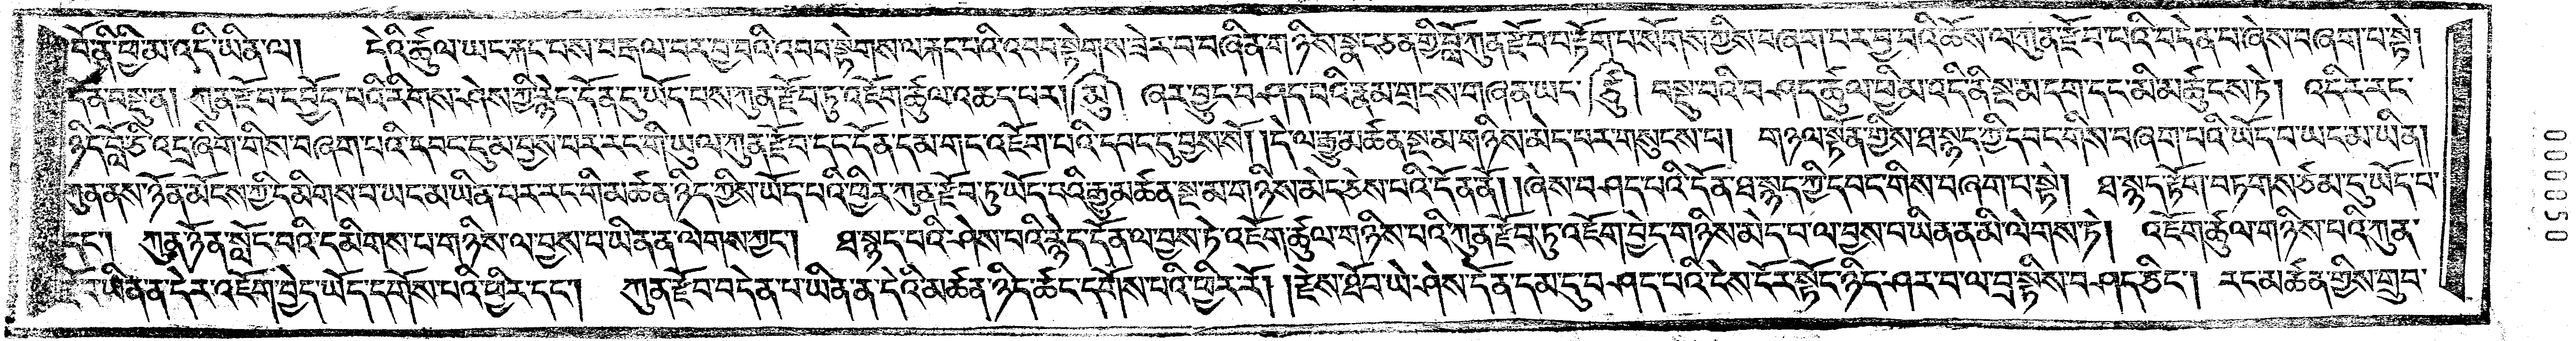བོ་ནི་ཕྱི་མ་འདི་ཡིན་ལ། དེའི་ཚུལ་ཡང་རྐང་པས་བརྒལ་བར་བྱ་བའི་འབབ་སྟེགས་ལ་རྐང་པའི་འབབ་སྟེགས་ཟེར་བ་བཞིན་གཉིས་སྣང་ཅན་གྱི་བློ་ཀུན་རྫོབ་པ་རྟོག་པ་སོགས་ཀྱིས་བཞག་པར་བྱ་བའི་ཆོས་ལ་ཀུན་རྫོབ་པའི་བདེན་པ་ཞེས་བཞག་པ་སྟེ།
དོན་བསྡུ་ན། ཀུན་རྫོབ་དཔྱོད་པའི་རིགས་ཤེས་ཀྱི་རྙེད་དོན་དུ་ཡོད་པས་ཀུན་རྫོབ་ཏུ་འཇོག་ཚུལ་འཆད་པར། ༼མུ༽ ཞར་བྱུང་བཤད་པའི་རྣམ་གྲངས་གཞན་ཡང ༼ཙུ༽ བསྡུ་བའི་བཤད་ཚུལ་ཕྱི་མ་འདི་ནི་སྔ་མ་དག་དང་མི་མཚུངས་ཏེ། འདིར་རང་
ཉིད་བློ་ཅི་འདྲ་ཞིག་གིས་བཞག་པའི་དབང་དུ་མ་བྱས་པར་རང་གི་ཡུལ་ཀུན་རྫོབ་དང་དོན་དམ་གང་འཇོག་པའི་དབང་དུ་བྱས་སོ། །དེ་ལ་རྒྱུ་མཚན་སྔ་མ་གཉིས་མེད་པར་གསུངས་པ། གཉལ་སྟོན་གྱིས་ཐ་སྙད་ཀྱི་དབང་གིས་བཞག་པའི་ཡོད་པ་ཡང་མ་ཡིན།
ཀུན་ནས་ཉོན་མོངས་ཀྱི་དམིགས་པ་ཡང་མ་ཡིན་པར་རང་གི་མཚན་ཉིད་ཀྱིས་ཡོད་པའི་ཕྱིར་ཀུན་རྫོབ་ཏུ་ཡོད་པའི་རྒྱུ་མཚན་སྔ་མ་གཉིས་མེད་ཅེས་པའི་དོན་ནོ། །ཞེས་བཤད་པའི་དོན་ཐ་སྙད་ཀྱི་དབང་གིས་བཞག་པ་སྟེ། ཐ་སྙད་རྟོག་བཏགས་ཙམ་དུ་ཡོད་པ་
དང་། ཀུན་ཉོན་སློང་བའི་དམིགས་པ་གཉིས་ལ་བྱས་པ་ཡིན་ན་ལེགས་ཀྱང་། ཐ་སྙད་པའི་ཤེས་པའི་རྙེད་དོན་ལ་བྱས་ཏེ་འཇོག་ཚུལ་གཉིས་པའི་ཀུན་རྫོབ་ཏུ་འཇོག་བྱེད་གཉིས་མེད་པ་ལ་བྱས་པ་ཡིན་ན་མི་ལེགས་ཏེ། འཇོག་ཚུལ་གཉིས་པའི་ཀུན་
རྫོབ་ཡིན་ན་དེར་འཇོག་བྱེད་ཡོད་དགོས་པའི་ཕྱིར་དང་། ཀུན་རྫོབ་བདེན་པ་ཡིན་ན་དེའི་མཚན་ཉིད་ཚང་དགོས་པའི་ཕྱིར་རོ། །རྗེས་ཐོབ་ཡེ་ཤེས་དོན་དམ་དུ་བཤད་པའི་ངེས་ངོར་སྟོང་ཉིད་ཤར་བ་ལ་བྲ་སྟིས་བཤད་ཅིང་། རང་མཚན་གྱིས་གྲུབ་